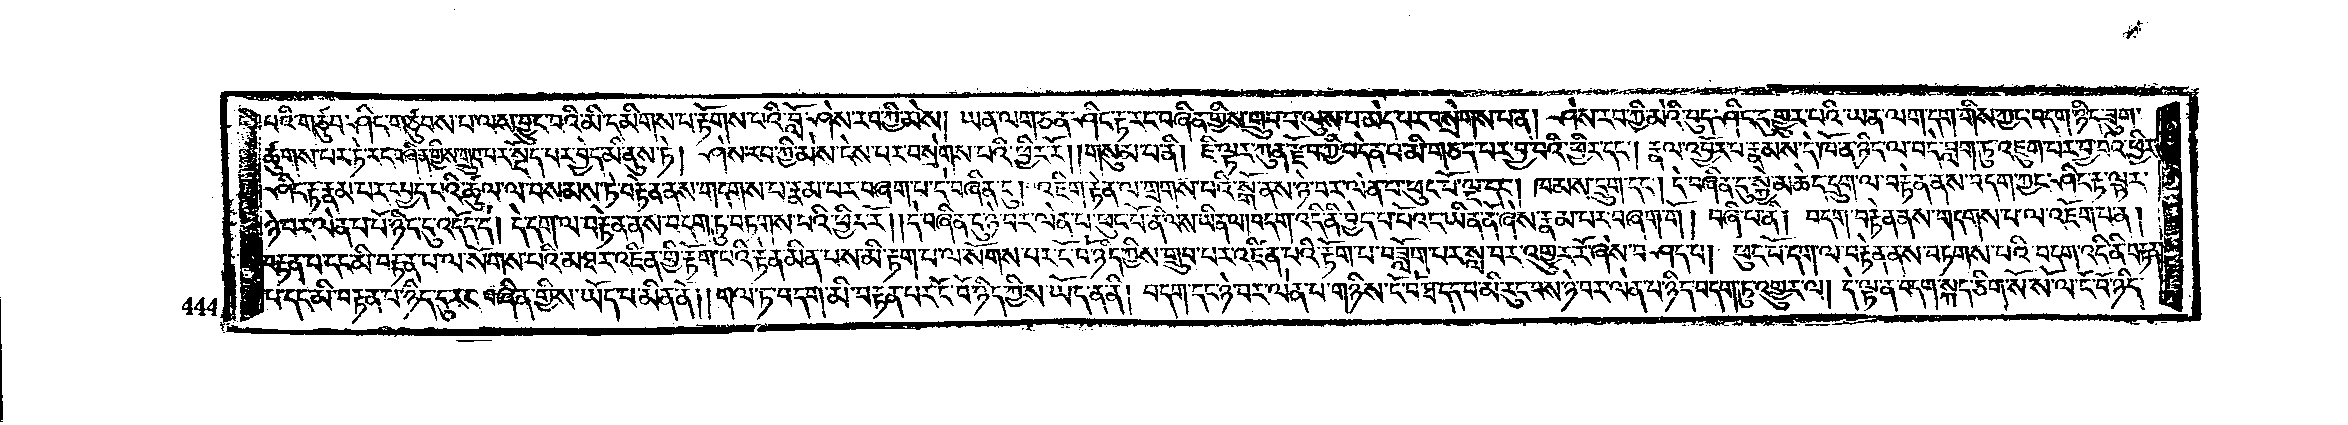པའི་གཙུབ་ཤིང་གཙུབས་པ་ལས་བྱུང་བའི་མི་དམིགས་པ་རྟོགས་པའི་བློ་ཤེས་རབ་ཀྱི་མེས། ཡན་ལག་ཅན་ཤིང་རྟ་རང་བཞིན་གྱིས་གྲུབ་པ་ལུས་པ་མེད་པར་བསྲེགས་པ་ན། ཤེས་རབ་ཀྱི་མེའི་བུད་ཤིང་དུ་གྱུར་བའི་ཡན་ལག་དག་གིས་ཀྱང་བདག་ཉིད་ཟུག་
ཚུགས་པར་ཏེ་རང་བཞིན་གྱིས་གྲུབ་པར་སྡོད་པར་བྱེད་མི་ནུས་ཏེ། ཤེས་རབ་ཀྱི་མེས་ངེས་པར་བསྲེགས་པའི་ཕྱིར་རོ། །གསུམ་པ་ནི། ཇི་ལྟར་ཀུན་རྫོབ་ཀྱི་བདེན་པ་མི་གཅད་པར་བྱ་བའི་ཕྱིར་དང་། རྣལ་འབྱོར་པ་རྣམས་དེ་ཁོ་ན་ཉིད་ལ་བདེ་བླག་ཏུ་འཇུག་པར་བྱ་བའི་ཕྱིར་
ཤིང་རྟ་རྣམ་པར་དཔྱད་པའི་ཚུལ་ལ་བསམས་ཏེ་བརྟེན་ནས་གདགས་པ་རྣམ་པར་བཞག་པ་དེ་བཞིན་དུ། འཇིག་རྟེན་ལ་གྲགས་པའི་སྒོ་ནས་ཉེ་བར་ལེན་པ་ཕུང་པོ་ལྔ་དང་། ཁམས་དྲུག་དང་། དེ་བཞིན་དུ་སྐྱེ་མཆེད་དྲུག་ལ་བརྟེན་ནས་བདག་ཀྱང་ཤིང་རྟ་ལྟར་
ཉེ་བར་ལེན་པ་པོ་ཉིད་དུ་འདོད་དེ། དེ་དག་ལ་བརྟེན་ནས་བདག་ཏུ་བཏགས་པའི་ཕྱིར་རོ། །དེ་བཞིན་དུ་ཉེ་བར་ལེན་པ་ཕུང་པོ་ནི་ལས་ཡིན་ལ། བདག་འདི་ནི་བྱེད་པ་པོའང་ཡིན་ནོ་ཞེས་རྣམ་པར་བཞག་གོ །བཞི་པ་ནི། བདག་བརྟེན་ནས་གདགས་པ་ལ་འཇོག་པ་ན།
བརྟན་པ་དང་མི་བརྟན་པ་ལ་སོགས་པའི་མཐར་འཛིན་གྱི་རྟོག་པའི་རྟེན་མིན་པས་མི་རྟག་པ་ལ་སོགས་པར་ངོ་བོ་ཉིད་ཀྱིས་གྲུབ་པར་འཛིན་པའི་རྟོག་པ་བཟློག་པར་སླ་བར་འགྱུར་རོ་ཞེས་བཤད་པ། ཕུང་པོ་དག་ལ་བརྟེན་ནས་བཏགས་པའི་བདག་འདི་ནི་བརྟེན་
པ་དང་མི་བརྟན་པ་ཉིད་དུ་རང་བཞིན་གྱིས་ཡོད་པ་མིན་ནོ། །གལ་ཏེ་བདག་མི་བརྟན་པར་ངོ་བོ་ཉིད་ཀྱིས་ཡོད་ན་ནི། བདག་དང་ཉེ་བར་ལེན་པ་གཉིས་ངོ་བོ་ཐ་དད་པ་མི་རུང་བས་ཉེ་བར་ལེན་པ་ཉིད་བདག་ཏུ་འགྱུར་ལ། དེ་ལྟ་ན་བདག་སྐད་ཅིག་སོ་སོ་ལ་ངོ་བོ་ཉིད་